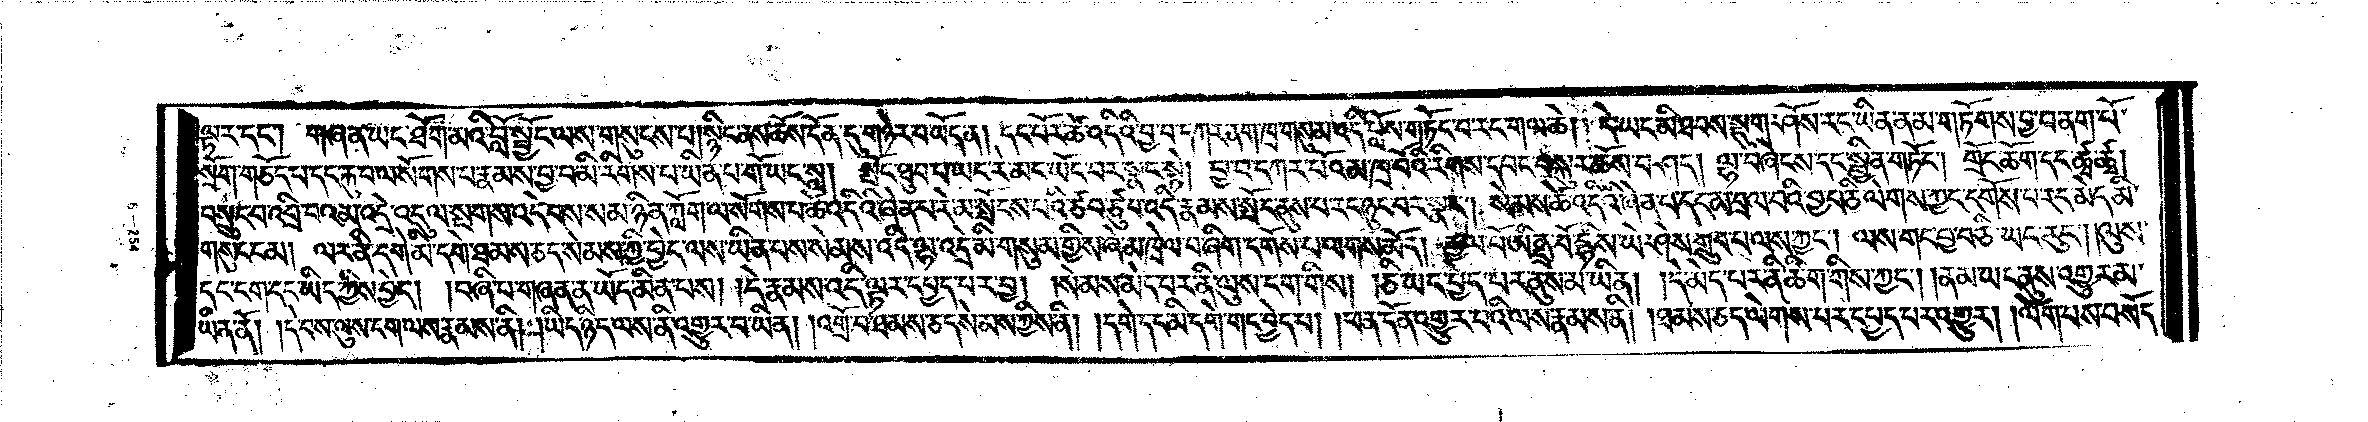ལྟར་དང་། གཞན་ཡང་ཐོག་མའི་བློ་སྦྱོང་ལས་གསུངས་པ། སྙིང་ནས་ཆོས་དོན་དུ་གཉེར་བ་ཡོད་ན། དང་པོར་ཚེ་འདིའི་བྱ་བ་དཀར་ནག་ཁྲ་གསུམ་འདི་བློས་གཏོང་བ་རང་གལ་ཆེ། །དེ་ཡང་མི་ཐབས་སྡུག་ཤོས་རང་ཡིན་ནམ་གཏོགས་བྱ་བ་ནག་པོ་
སྲོག་གཅོད་པ་དང་རྐུ་བ་ལ་སོགས་པ་རྣམས་བྱ་བ་མི་རིགས་པ་ཡིན་པ་གོ་ཡང་སླ། སྤོང་ཐུབ་པ་ཡང་རེ་མང་ཡོང་པར་སྣང་སྟེ། བྱ་བ་དཀར་པོའམ་ཁྲ་བོའི་རིགས་དབང་བསྐུར་ཆོས་བཤད། ལྷ་བཞེངས་དང་སྦྱིན་གཏོང་། གྲོང་ཆོག་དང་ཚྭ་ཚྭ།
བསྲུང་བ་འབྲི་བའམ་འདྲེ་འདུལ་སྤགས་འདེབས་ས་མ་ཉིན་ཀློག་ལ་སོགས་པ་ཚེ་འདིའི་ཞེན་པ་རེ་མ་སྤོངས་པའི་ཙ་བ་ཙུ་བ་འདི་རྣམས་སྤོང་ནུས་པ་རང་ཉུང་བར་སྣང་། སེམས་ཚེ་འདིའི་ཞེན་པ་དང་མ་བྲལ་བའི་བྱ་བ་ཅི་ལེགས་ཀྱང་དགོས་པ་རང་མེད་མི་
གསུང་ངམ། ལར་ནི་དགེ་མི་དགེ་ཐམས་ཅད་སེམས་ཀྱི་བྱེད་ལས་ཡིན་པས་སེམས་འདི་ལྷ་འདྲེ་མི་གསུམ་གྱིས་ཞེ་མ་ཁྲེལ་བ་ཞིག་དགོས་པ་ལགས་མོད། རྒྱལ་པོ་ཨིནྡྲ་བོདྷིས་ཡེ་ཤེས་གྲུབ་པ་ལས་ཀྱང་། ལས་གང་བྱ་བ་ཅི་ཡང་རུང་། །ལུས་
དང་ངག་དང་ཡིད་ཀྱིས་བྱེད། །བཞི་པ་གཞན་ན་ཡོད་མིན་པས། །དེ་རྣམས་འདི་ལྟར་དཔྱད་པར་བྱ། །སེམས་མེད་པར་ནི་ལུས་ངག་གིས། །ཅི་ཡང་བྱེད་པར་ནུས་མ་ཡིན། །དེ་མེད་པར་ནི་ཚིག་གིས་ཀྱང་། །ནམ་ཡང་ནུས་འགྱུར་མ་
ཡིན་ནོ། །དེ་བས་ལུས་ངག་ལས་རྣམས་ནི། །ཡིད་ཉིད་ལས་ནི་འགྱུར་བ་ཡིན། །འགྲོ་བ་ཐམས་ཅད་སེམས་ཀྱིས་ནི། །དགེ་དང་མི་དགེ་གང་བྱེད་པ། །ཕན་དོན་འགྱུར་པའི་ལས་རྣམས་ནི། །ཐམས་ཅད་ལེགས་པ་དཔྱད་པར་འགྱུར། །ལོག་པས་བསོད་